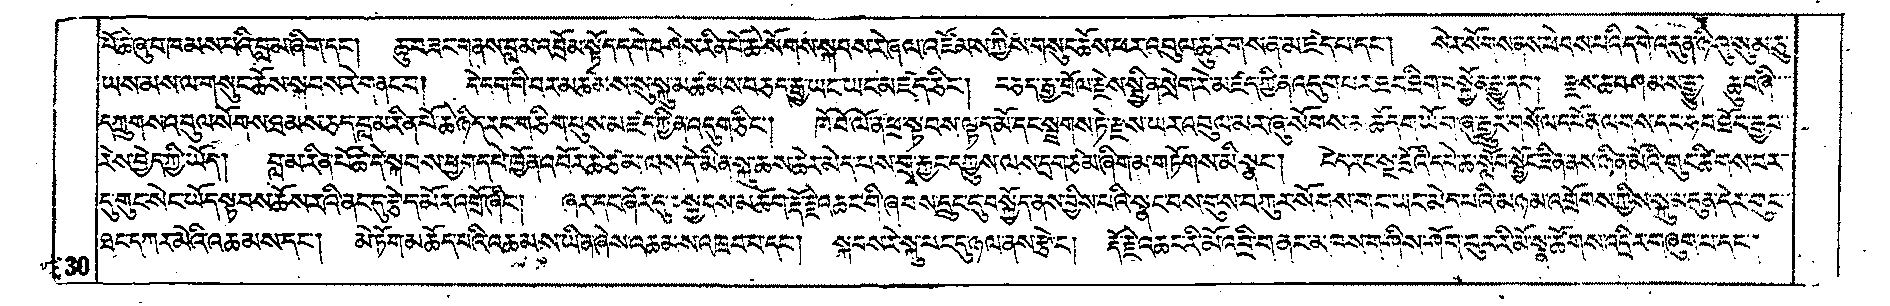པོ་ཆེ་ཞུ་བ་ཁམས་པའི་བླ་མ་ཞིག་དང་། ཆུ་བཟང་གནས་བླ་མ་འབྲོམ་སྟོད་དགེ་བཤེས་རིན་པོ་ཆེ་སོགས་སྐབས་རེ་ཞལ་འཛོམས་ཀྱིས་གསུང་ཆོས་ཕར་འབུལ་ཆུར་གསན་མཛད་པ་དང་། སེ་ར་སོགས་ནས་ཕེབས་པའི་དགེ་འདུན་ཉི་ཤུ་སུམ་ཅུ་
ཡས་མས་ལ་གསུང་ཆོས་སྐབས་རེ་གནང་བ། དེ་དག་གི་བར་མཚམས་སུ་སྐུ་མཚམས་བཅད་རྒྱ་ཡང་ཡང་མཛད་ཅིང་། བཅད་རྒྱ་གྲོལ་རྗེས་སྤྱིན་སྲེག་རེ་མཛད་ཀྱིན་འདུག་པར་ཐབ་ཐིག་བསྐྱོན་རྒྱུ་དང་། རྫས་ཆ་བཤམས་རྒྱུ། ཆུ་བཞི་
དཀྲུགས་འབུལ་སོགས་ཐམས་ཅད་བླ་མ་རིན་པོ་ཆེ་ཉིད་རང་གཅིག་པུས་མཛད་ཀྱིན་འདུག་ཅིང་། ཁོ་བོ་ལོ་ན་ཕྲ་སྟབས་ལྟད་མོ་དང་སྦྲགས་ཏེ་རྫས་ཡར་འབུལ་མར་ཞུ་སོགས་མཆོད་གཡོག་ཞུ་རྒྱུར་གསོལ་དཔོན་ལགས་དང་ཧབ་ཐོབ་རྒྱབ་
རེས་བྱེད་ཀྱི་ཡོད། བླ་མ་རིན་པོ་ཆེ་དེ་སྐབས་ཕྱག་དཔེ་ཁྱོན་འབོར་ཆེ་ཙམ་ལས་དེ་མིན་སྐུ་ཆས་ཆེར་མེད་པས་གྲྭ་རྐྱང་དཀྱུས་ལས་དྲག་ཙམ་ཞིག་མ་གཏོགས་མི་སྣང་། ངེད་རང་སྔ་དྲོའི་དཔེ་ཆ་སློབ་སྦྱོང་ཟིན་ནས་ཉིན་མོའི་གུང་ཚིགས་བར་
དུ་གུང་སེང་ཡོད་སྟབས་ཆོས་རའི་ནང་དུ་རྩེད་མོར་འགྲོ་ཞིང་། ཞར་དང་ཞོར་དུ་༧སྐྱབས་མཆོག་རྡོ་རྗེ་འཆང་གི་ཞབས་དྲུང་དུ་བསྐྱོད་ནས་བྱིས་པའི་སྣང་བས་གུས་བཀུར་སོགས་གང་ཡང་མེད་པའི་མཉམ་འགྲོགས་ཀྱིས་སྐུ་མདུན་དེར་གུང་
ཐང་དཀར་མེའི་འཆམས་དང་། མེ་ཏོག་མཆོད་པའི་འཆམས་ཡིན་ཞེས་འཆམས་འཁྲབ་པ་དང་། སྐབས་རེ་སྐུ་པང་དུ་ཉལ་ནས་རྩེ་བ། རྡོ་རྗེ་འཆང་རི་མོ་འབྲི་གནང་མཁས་གཤིས་ཤོག་བུར་རི་མོ་སྣ་ཚོགས་འདྲིར་གཞུག་པ་དང་།